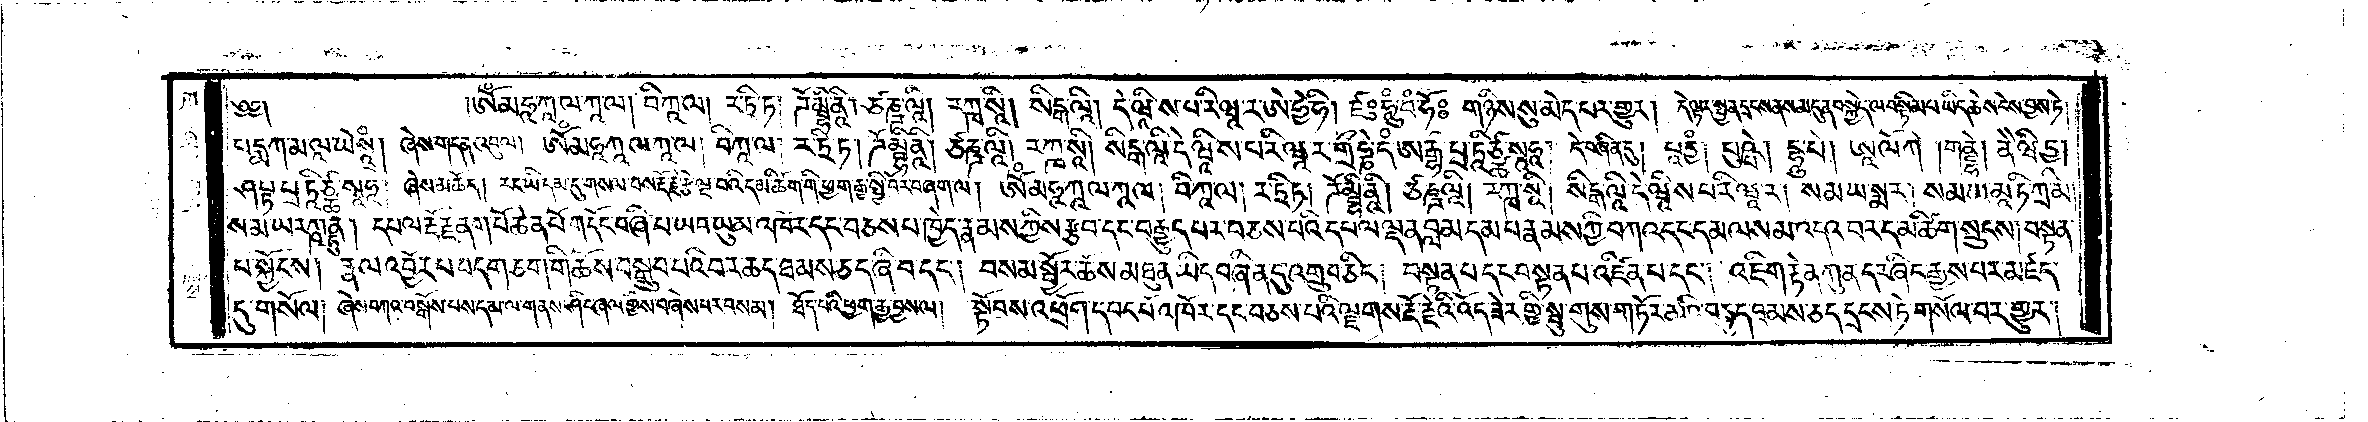༄༅། །ཨོཾ་མཧཱ་ཀཱ་ལ་ཀཱ་ལ། བི་ཀཱ་ལ། ར་ཏྲི་ཏ། ཌོ་མྦྷི་ནཱི། ཙཎྜ་ལཱི། རཀྑ་སཱི། སིངྒ་ལཱི། དེ་ཝཱི་ས་པ་རི་ཝཱ་ར་ཨེ་ཧྱེ་ཧི། ཛཿཧཱུཾ་བཾཧོཿགཉིས་སུ་མེད་པར་གྱུར། དེ་ལྟར་སྤྱན་དྲངས་ནས་མདུན་བསྐྱེད་ལ་བསྟིམ་པ་ཡིད་ཆེས་ངེས་བྱས་ཏེ།
པདམ་ཀ་མ་ལཱ་ཡེ་སྟྭཾ། ཞེས་གདན་འབུལ།  ཨོཾ་མཧཱ་ཀཱ་ལ་ཀཱ་ལ། བིཀཱ་ལ། ར་ཏྲི་ཏ། ཌོ་མྦྷི་ནཱི། ཙཎྜ་ལཱི། རཀྑ་སཱི། སིངྒ་ལཱི་དེ་ཝའི་ས་པ་རི་ཝཱ་ར་གྲྀཧྞེ་དཾ་ཨརྒྷཾ་པྲ་ཏཱིཙྪ་སྭཱཧཱ། དེ་བཞིན་དུ།  པཱདྱཾ། པུཥྤེ། དྷཱུ་པེ། ཨཱ་ལོ་ཀེ །གནྡྷེ། ནཻ་ཝི་དྱཱ།
ཤཔྟ་པྲ་ཏཱི་ཙྪ་སྭཱཧཱ། ཞེས་མཆོད། རང་ཡི་དམ་དུ་གསལ་བས་རྡོ་རྗེ་རྩེ་ལྔ་པའི་དམ་ཚིག་གི་ཕྱག་རྒྱ་སྤྱི་བོར་བཞག་ལ། ཨོཾ་མཧཱ་ཀཱ་ལ་ཀཱ་ལ། བི་ཀཱ་ལ། ར་ཏྲི་ཏ། ཌོ་མྦྷི་ནཱི། ཙྞྜ་ལཱི། རཀྑ་སཱི། སིངྒ་ལཱི་དེ་ཝཱིས་པ་རི་ཝཱ་ར། ས་མ་ཡ་སྨ་ར། ས་མ་ཡ་མཱ་ཏི་ཀྲ་མ་
ས་མ་ཡ་རཀྵནྟུ། དཔལ་རྡོ་རྗེ་ནག་པོ་ཆེན་པོ་གདོང་བཞི་པ་ཡབ་ཡུམ་འཁོར་དང་བཅས་པ་ཀྱེད་རྣམས་ཀྱིས་རྩ་བ་དང་བརྒྱུད་པར་བཅས་པའི་དཔལ་ལྡན་བླ་མ་དམ་པ་རྣམས་ཀྱི་བཀའ་དང་དམ་ལས་མ་འདའ་བར་དམ་ཚིག་སྲུངས། བསྟན་
པ་སྐྱོངས། རྣལ་འབྱོར་པ་བདག་ཅག་གི་ཆོས་བསྒྲུབ་པའི་བར་ཆད་ཐམས་ཅད་ཞི་བ་དང་། བསམ་སྦྱོར་ཆོས་མཐུན་ཡིད་བཞིན་དུ་འགྲུབ་ཅིང་། བསྟན་པ་དང་བསྟན་པ་འཛིན་པ་དང་། འཇིག་རྟེན་ཀུན་དར་ཞིང་རྒྱས་པར་མཛད་
དུ་གསོལ། ཞེས་བཀའ་བསྒོས་པས་དམ་ལ་གནས་ཤིང་ཞལ་གྱིས་བཞེས་པར་བསམ། ཐོད་པའི་ཕྱག་རྒྱ་བྱས་ལ།  སྟོབས་འཕྲོག་དབང་པོ་འཁོར་དང་བཅས་པའི་ལྗགས་རྡོ་རྗེའི་འོད་ཟེར་གྱི་སྦུ་གུས་གཏོར་མའི་བཅུད་ཐམས་ཅད་དྲངས་ཏེ་གསོལ་བར་གྱུར།